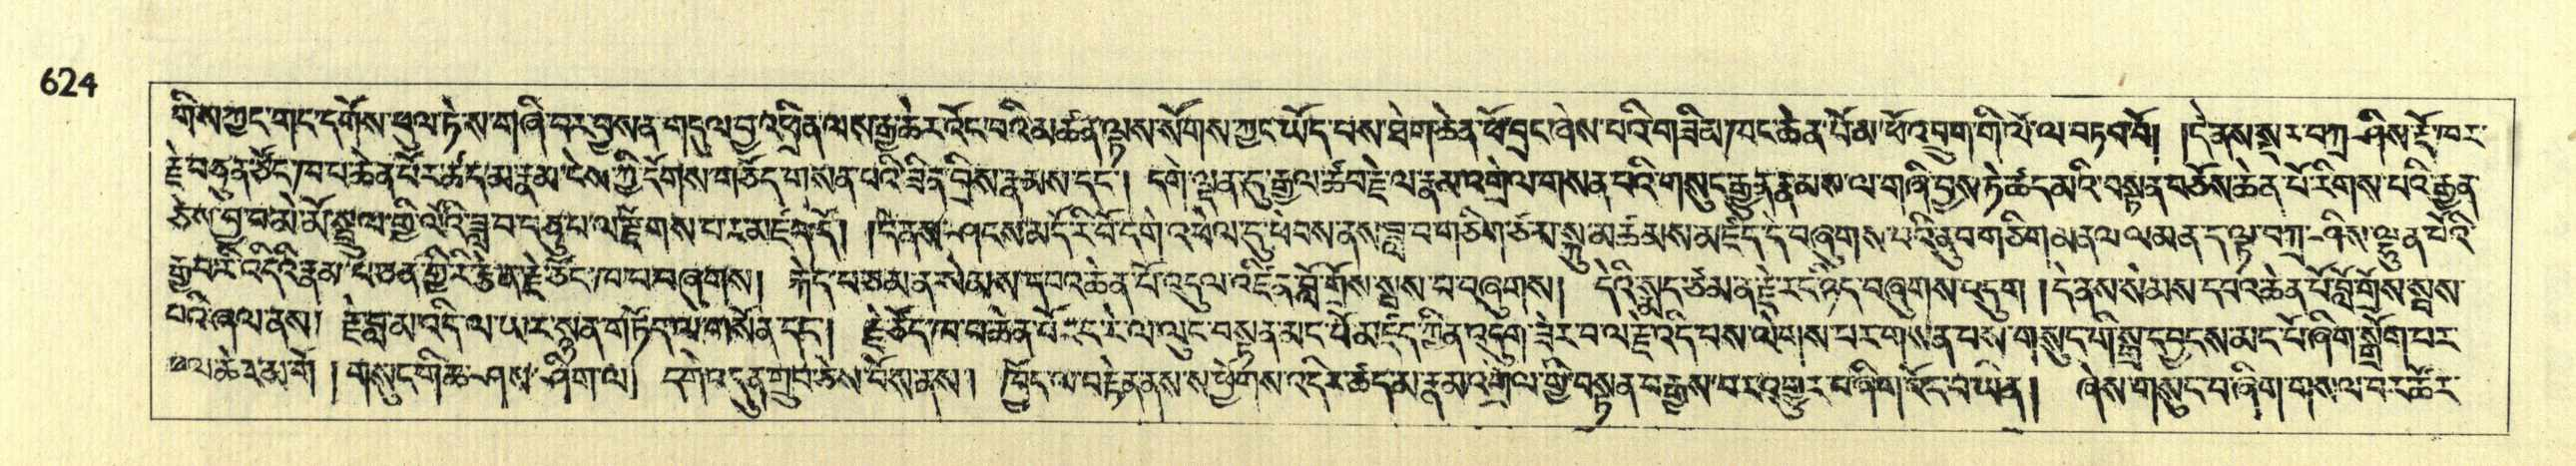གིས་ཀྱང་གང་དགོས་ཕུལ་ཏེ་ས་གཞི་བར་བྱས་ན་གདུལ་བྱ་འཕྲིན་ལས་རྒྱ་ཆེར་འོང་བའི་མཚན་ལྟས་སོགས་ཀྱང་ཡོད་པས་ཐེག་ཆེན་ཕོ་བྲང་ཞེས་པའི་གཟིམ་ཁང་ཆེན་པོ་མ་ཕོ་འབྲུག་གི་ལོ་ལ་བཏབ་བོ། །དེ་ནས་སྔར་བཀྲ་ཤིས་རྡོ་ཁར་
རྗེ་བཅུན་ཙོང་ཁ་པ་ཆེན་པོར་ཚད་མ་རྣམ་ངེས་ཀྱི་དོགས་གཅོད་གསན་པའི་ཟིན་བྲིས་རྣམས་དང་། དགེ་ལྡན་དུ་རྒྱལ་ཚབ་རྗེ་ལ་རྣམས་འགྲེལ་གསན་པའི་གསུང་རྒྱུན་རྣམས་ལ་གཞི་བྱས་ཏེ་ཚད་མའི་བསྟན་བཅོས་ཆེན་པོ་རིགས་པའི་རྒྱན་
ཅེས་བྱ་བ་མེ་མོ་སྦྲུལ་གྱི་ལོའི་ཟླ་བ་བཅུ་པ་ལ་རྫོགས་པར་མཛད་དོ། །དེ་ནས་ཤངས་མདོ་རི་བོ་དགེ་འཕེལ་དུ་ཕེབས་ནས་ཟླ་བ་གཅིག་ཙམ་སྐུ་མཚམས་མཛད་དེ་བཞུགས་པའི་ནུབ་གཅིག་མནལ་ལམ་ན་ད་ལྟ་བཀྲ་ཤིས་ལྷུན་པོའི་
རྒྱབ་རི་འདིའི་རྣམ་པ་ཅན་གྱི་རི་རྩེ་ན་རྗེ་ཙོང་ཁ་པ་བཞུགས། རྐེད་པ་ཅམ་ན་སེམས་དཔའ་ཆེན་པོ་འདུལ་འཛིན་བློ་གྲོས་སྤས་བ་བཞུགས། དེའི་སྨད་ཙམ་ན་རྗེ་རང་ཉིད་བཞུགས་འདུག །དེ་ནས་སེམས་དཔའ་ཆེན་པོ་བློ་གྲོས་སྦས་
པའི་ཞལ་ནས། རྗེ་བླ་མའི་འདི་ལ་ཡར་སྙན་གཏོད་ལ་གསོན་དང་། རྗེ་ཙོད་ཁ་པ་ཆེན་པོ་རང་རེ་ལ་ལུང་བསྟན་མང་པོ་མཛད་ཀྱིན་འདུག་ཟེར་བ་ལ་རྗེ་འདི་བས་ལེགས་པར་གསན་པས་གསུང་གི་སྒྲ་དབྱངས་མང་པོ་ཞིག་སྒྲོག་པར་
ཕལ་ཆེར་མ་གོ །གསུང་གི་ཆ་ཤས་ཤིག་ལ། དགེ་འདུན་གྲུབ་ཅེས་བོས་ནས། ཁྱོད་ལ་བརྟེན་ནས་ས་ཕྱོགས་འདིར་ཚད་མ་རྣམ་འགྲེལ་གྱི་བསྟན་བརྒྱས་བར་འགྱུར་བ་ཞིག་འོང་བ་ཡིན། ཞེས་གསུང་བ་ཞིག་གསལ་བར་ཚོར་